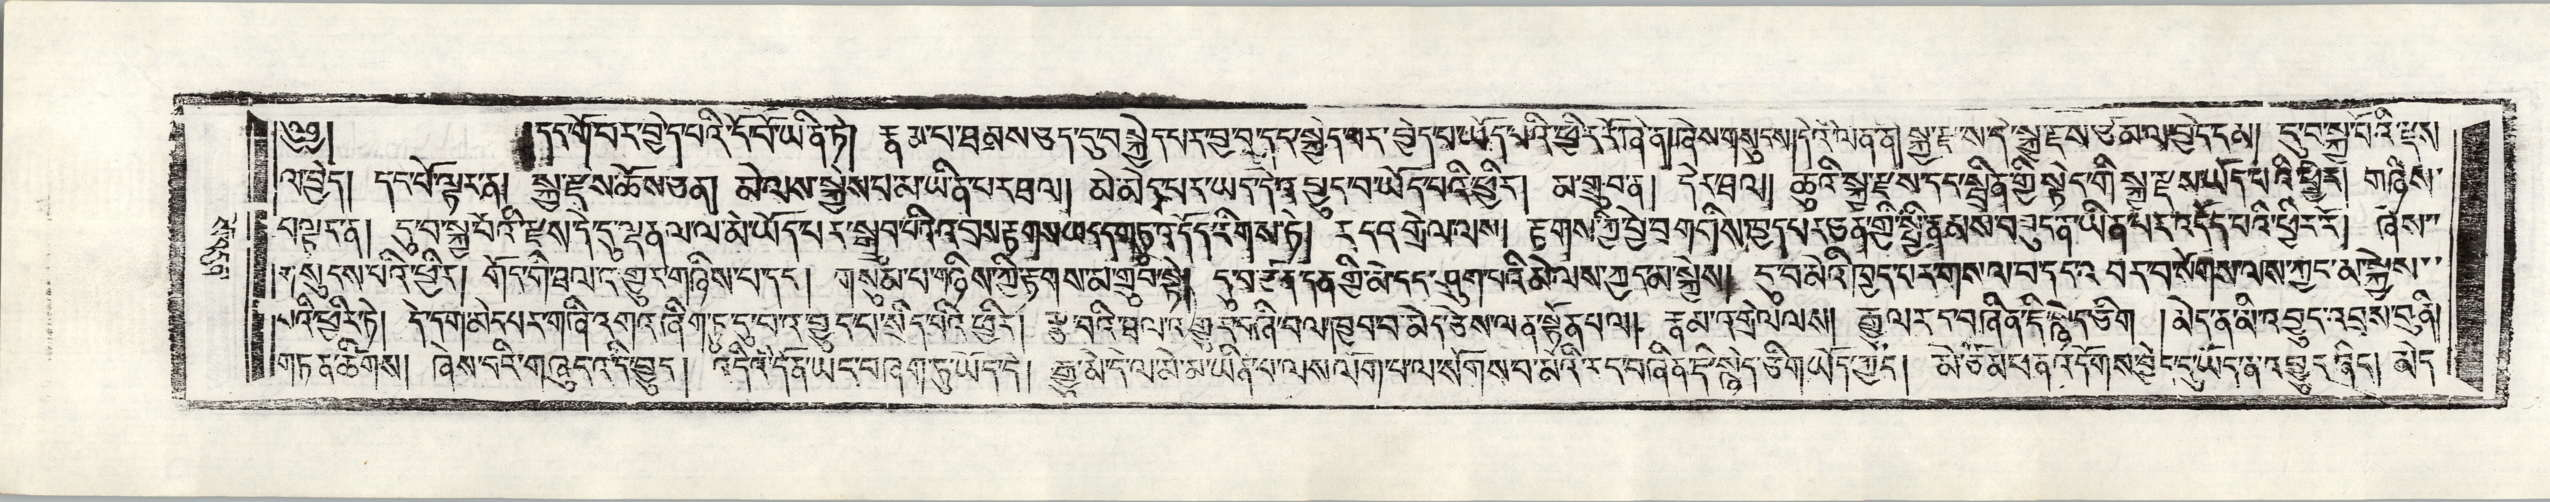༄༅། །དང་གོ་བར་བྱེད་པའི་ངོ་བོ་ཡིན་ཏེ། རྣམ་པ་ཐམས་ཅད་དུ་བསྐྱེད་པར་བྱ་བ་དང་སྐྱེད་པར་བྱེད་པ་ཡོད་པའི་ཕྱིར་རོ་ཞེ་ན། ཞེས་གསུངས། དེའི་ལན་ནི། སྐྱ་རྫས་དེ་སྐྱ་རྫས་ཙམ་ལ་བྱེད་དམ། དུ་བ་སྐྱ་བོའི་རྫས་
ལ་བྱེད། དང་པོ་ལྟར་ན། སྐྱ་རྫས་ཆོས་ཅན། མེ་ལས་སྐྱེས་པ་མ་ཡིན་པར་ཐལ། མེ་མེད་པར་ཡང་དེ་འབྱུང་བ་ཡོད་པའི་ཕྱིར། མ་གྲུབ་ན། དེར་ཐལ། ཆུའི་སྐྱ་རྫས་དང་སྤྲིན་གྱི་སྟེང་གི་སྐྱ་རྫས་ཡོད་པའི་ཕྱིར། གཉིས་
པ་ལྟར་ན། དུ་བ་སྐྱ་བོའི་རྫས་དེ་དུ་ལྡན་ལ་ལ་མེ་ཡོད་པར་སྒྲུབ་པའི་འབྲས་རྟགས་ཡང་དག་ཏུ་འདོད་རིགས་ཏེ། རང་འགྲེལ་ལས། རྟགས་ཀྱི་བྱེ་བྲག་གིས་ཁྱད་པར་ཅན་གྱི་སྤྱི་རྣམས་བཟུང་ན་ཡིན་པར་འདོད་པའི་ཕྱིར་རོ། །ཞེས་
གསུངས་པའི་ཕྱིར། གོང་གི་ཐལ་འགྱུར་གཉིས་པ་དང་། གསུམ་པ་གཉིས་ཀྱི་རྟགས་མ་གྲུབ་སྟེ། དུ་བ་ཙན་དན་གྱི་མེ་དང་ཤུག་པའི་མེ་ལས་ཀྱང་མ་སྐྱེས། དུ་བ་མེའི་ཁྱད་པར་གསལ་བ་དང་འབར་བ་སོགས་ལས་ཀྱང་མ་སྐྱེས་
པའི་ཕྱིར་ཏེ། དེ་དག་མེད་པར་གཞི་འགའ་ཞིག་ཏུ་དུ་བ་འབྱུང་བ་སྲིད་པའི་ཕྱིར། རྩ་བའི་ཐལ་འགྱུར་བཞི་བ་ལ་ཁྱབ་པ་མེད་ཅེས་ལན་སྟོན་པ་ལ། རྣམ་འགྲེལ་ལས། རྒྱུ་ལ་རང་བཞིན་ཇི་སྙེད་ཅིག །མེད་ན་མི་འབྱུང་འབྲས་བུ་ནི་
གཏན་ཚིགས། ཞེས་པའི་གཞུང་འདི་བྱུང་། འདིའི་དོན་ཡང་བཞག་ཏུ་ཡོད་དེ། རྒྱུ་མེ་དེ་ལ་མེ་མ་ཡིན་པ་ལས་ལོག་པ་ལ་སོགས་པ་མེའི་རང་བཞིན་ཇི་སྙེད་ཅིག་ཡོད་ཀྱང་། མེ་ཙམ་ཕན་འདོགས་བྱེད་དུ་ཡོད་ན་འབྱུང་ཞིང་། མེད་